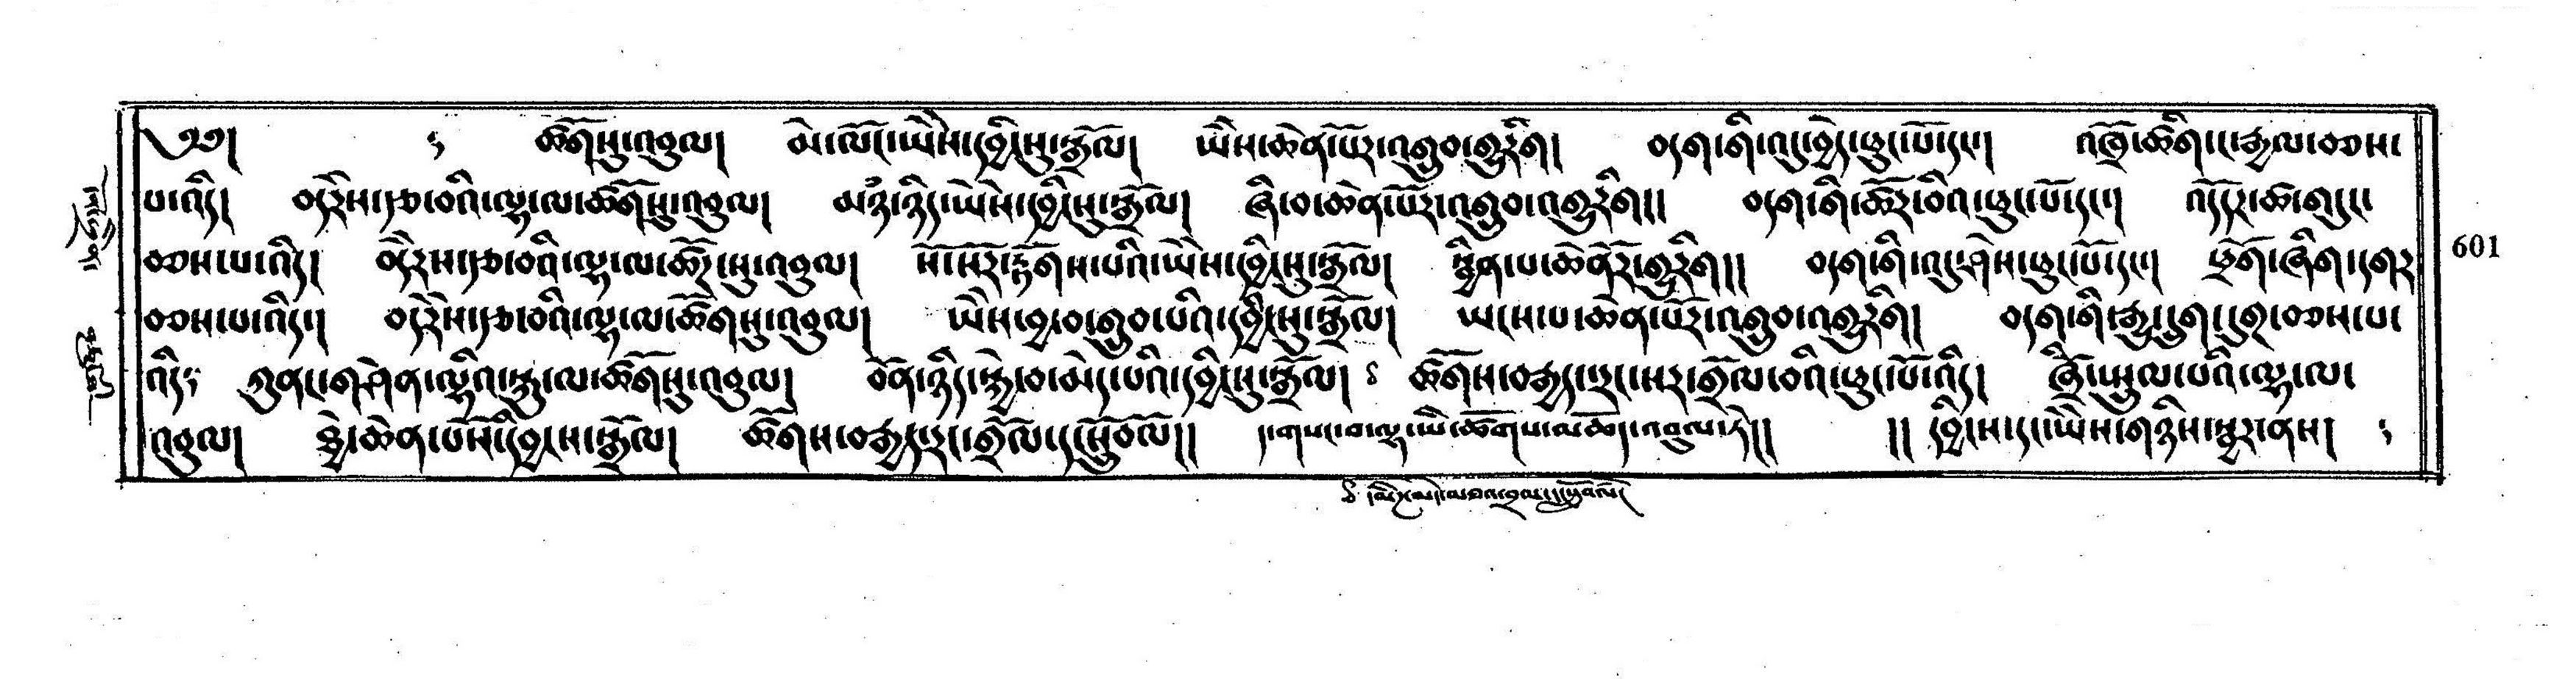ཚོགས་སུ་འབུལ། མེ་ལོང་ཡེ་ཤེས་དབྱིངས་སུ་སྒྲོལ། ཡེ་ཤེས་ཆེན་པོར་འགྲུབ་གྱུར་ཅིག བདག་གི་འདུ་བྱེད་ཕུང་པོ་དང་། འཁྲོ་ཚིག་ང་རྒྱལ་བཅས་
པ་འདི། བདེར་གཤེགས་རྩ་བའི་ལྷ་ལ་ཚོགས་སུ་འབུལ། མཉམ་ཉིད་ཡེ་ཤེས་དབྱིངས་སུ་སྒྲོལ། ཞི་བ་ཆེན་པོར་འགྲུབ་འགྱུར་ཅིག བདག་གི་ཚོར་བའི་ཕུང་པོ་དང་། འདོད་ཆགས་ཚ་གདུང་
བཅས་པ་འདི། བདེར་གཤེགས་རྩ་བའི་ལྷ་ལ་ཚོགས་སུ་འབུལ། སོ་སོར་རྟོགས་པའི་ཡེ་ཤེས་དབྱིངས་སུ་སྒྲོལ། སྦྱིན་པ་ཆེན་པོར་འགྲུབ་གྱུར་ཅིག བདག་གི་འདུ་ཤེས་ཕུང་པོ་དང་། ཕྲག་དོག་ཞིག་དགར་
བཅས་པ་འདི། བདེར་གཤེགས་རྩ་བའི་ལྷ་ལ་ཚོགས་སུ་འབུལ། ཡེ་ཤེས་བྱ་བ་གྲུབ་པའི་དབྱིངས་སུ་སྒྲོལ། ཡངས་པ་ཆེན་པོར་འགྲུབ་འགྱུར་ཅིག བདག་གི་རྒྱུ་དྲུག་དུག་ལྔ་བཅས་པ་
འདི། ཀུན་བཟང་གཤེན་ལྷའི་སྐུ་ལ་ཚོགས་སུ་འབུལ། བོན་ཉིད་སྐྱེ་བ་མེད་པའི་དབྱིངས་སུ་སྒྲོལ། དམིགས་མེད་མཐའ་བྲལ་དངོས་གྲུབ་སྩོལ། ཚོགས་བརྒྱད་རང་སར་གྲོལ་བའི་ཕུང་པོ་འདི། ཞི་ཁྲོ་སྤྲུལ་པའི་ལྷ་ལ་
འབུལ། ཐུགས་རྗེ་ཆེན་པོས་དབྱིངས་སུ་སྒྲོལ། ཚོགས་བརྒྱད་རང་གྲོལ་དངོས་གྲུབ་སྩོལ། ད་གསང་བ་ལྷ་ཡི་ཚོགས་མཆོད་འབུལ་ཏེ།། །།དབྱིངས་དང་ཡེ་ཤེས་གཉིས་སྦྱར་ནས།